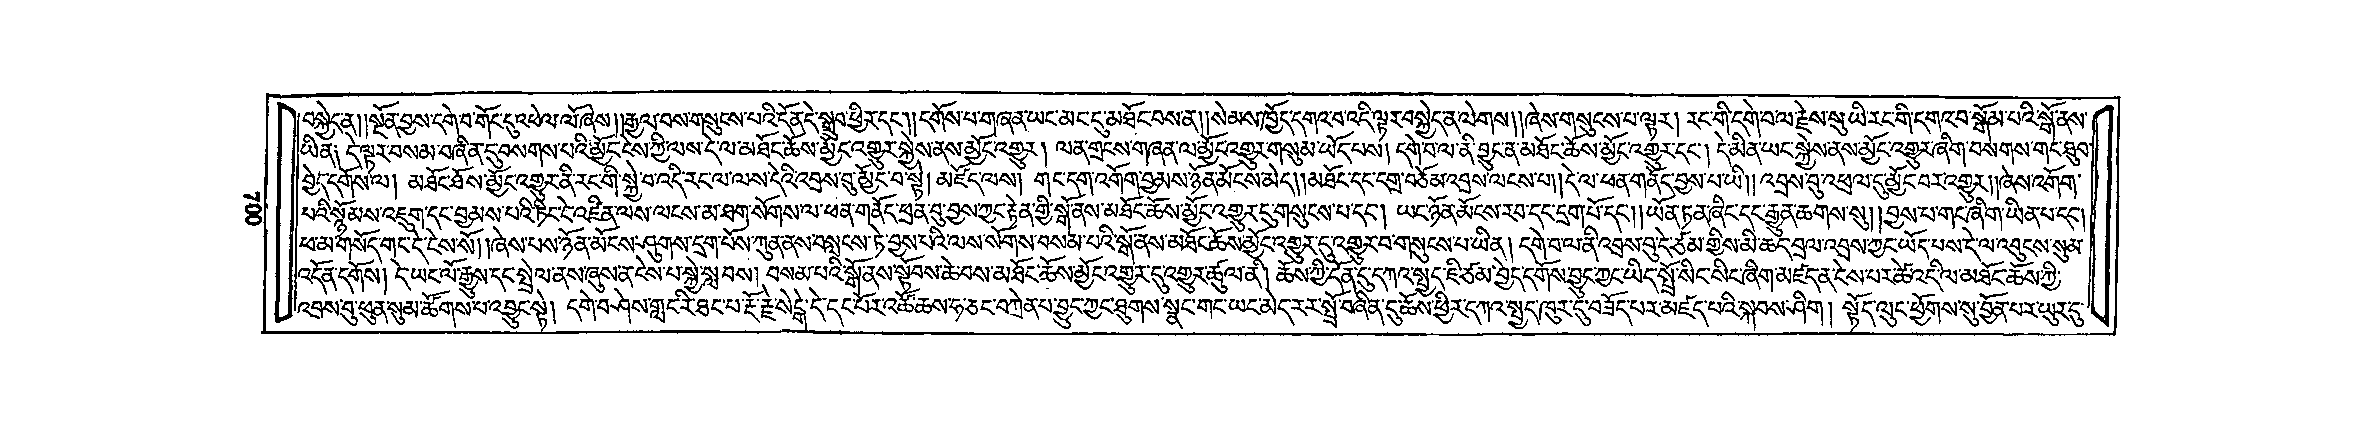བསྐྱེད་ན། །སྔོན་བྱས་དགེ་བ་གོང་དུ་འཕེལ་ལོ་ཞེས། །རྒྱལ་བས་གསུངས་པའི་དོན་དེ་སྒྲུབ་ཕྱིར་དང་། །དགོས་པ་གཞན་ཡང་མང་དུ་མཐོང་བས་ན། །སེམས་ཁྱོད་དགའ་བ་འདི་ལྟར་བསྐྱེད་ན་ལེགས། །ཞེས་གསུངས་པ་ལྟར། རང་གི་དགེ་བ་ལ་རྗེས་སུ་ཡི་རང་གི་དགའ་བ་སྒོམ་པའི་སྒོ་ནས་
ཡིན། དེ་ལྟར་བསམ་བཞིན་དུ་བསགས་པའི་མྱོང་ངེས་ཀྱི་ལས་དེ་ལ་མཐོང་ཆོས་མྱོང་འགྱུར་སྐྱེས་ནས་མྱོང་འགྱུར། ལན་གྲངས་གཞན་ལ་མྱོང་འགྱུར་གསུམ་ཡོད་པས། དགེ་བ་ལ་ནི་བྱུང་ན་མཐོང་ཆོས་མྱོང་འགྱུར་དང་། དེ་མིན་ཡང་སྐྱེས་ནས་མྱོང་འགྱུར་ཞིག་བསགས་གང་ཐུབ་
བྱེད་དགོས་ལ། མཐོང་ཐོས་མྱོང་འགྱུར་ནི་རང་གི་སྐྱེ་བ་འདི་རང་ལ་ལས་དེའི་འབྲས་བུ་མྱོང་བ་སྟེ། མཛོད་ལས། གང་དག་འགོག་བྱམས་ཉོན་མོངས་མེད། །མཐོང་དང་དགྲ་བཅོམ་འབྲས་ལངས་པ། །དེ་ལ་ཕན་གནོད་བྱས་པ་ཡི། །འབྲས་བུ་འཕྲལ་དུ་མྱོང་བར་འགྱུར། །ཞེས་འགོག་
པའི་སྙོམས་འཇུག་དང་བྱམས་པའི་ཏིང་ངེ་འཛིན་ལས་ལངས་མ་ཐག་སོགས་ལ་ཕན་གནོད་ཕྲན་བུ་བྱས་ཀྱང་རྟེན་གྱི་སྒོ་ནས་མཐོང་ཆོས་མྱོང་འགྱུར་དུ་གསུངས་པ་དང་། ཡང་ཉོན་མོངས་རབ་དང་དྲག་པོ་དང་། །ཡོན་ཏན་ཞིང་དང་རྒྱུན་ཆགས་སུ། །བྱས་པ་གང་ཞིག་ཡིན་པ་དང་།
ཕ་མ་གསོད་གང་དེ་ངེས་སོ། །ཞེས་པས་ཉོན་མོངས་ཤུགས་དྲག་པོས་ཀུན་ནས་བསླངས་ཏེ་བྱས་པའི་ལས་སོགས་བསམ་པའི་སྒོ་ནས་མཐོང་ཆོས་མྱོང་འགྱུར་དུ་འགྱུར་བ་གསུངས་པ་ཡིན། དགེ་བ་ལ་ནི་འབྲས་བུ་དེ་ཙམ་གྱིས་མི་ཆད་བྲལ་འབྲས་ཀྱང་ཡོད་པས་དེ་ལ་འབུངས་སུམ་
འདོན་དགོས། དེ་ཡང་ལོ་རྒྱུས་དང་སྤྲེལ་ནས་ཞུས་ན་ངེས་པ་སྐྱེ་སླབས། བསམ་པའི་སྒོ་ནས་སྟོབས་ཆེ་བས་མཐོང་ཆོས་མྱོང་འགྱུར་དུ་འགྱུར་ཚུལ་ནི། ཆོས་ཀྱི་དོན་དུ་དཀའ་སྤྱད་ཇི་ཙམ་བྱེད་དགོས་བྱུང་ཀྱང་ཡིད་སྤྲོ་སིང་སིང་ཞིག་མཛད་ན་ངེས་པར་ཚེ་འདི་ལ་མཐོང་ཆོས་ཀྱི་
འབྲས་བུ་ཕུན་སུམ་ཚོགས་པ་འབྱུང་སྟེ། དགེ་བཤེས་གླང་རི་ཐང་པ་རྡོ་རྗེ་སེངྒེ་དེ་དང་པོར་འཚོ་ཆས་ཧ་ཅང་བཀྲེན་པ་བྱུང་ཀྱང་ཐུགས་སྣང་གང་ཡང་མེད་རར་སྤྲོ་བཞིན་དུ་ཆོས་ཕྱིར་དཀའ་སྤྱད་ཁུར་དུ་བཟོད་པར་མཛད་པའི་སྐབས་ཤིག །སྟོད་ལུང་ཕྱོགས་སུ་བྱོན་པར་ཡུར་དུ་